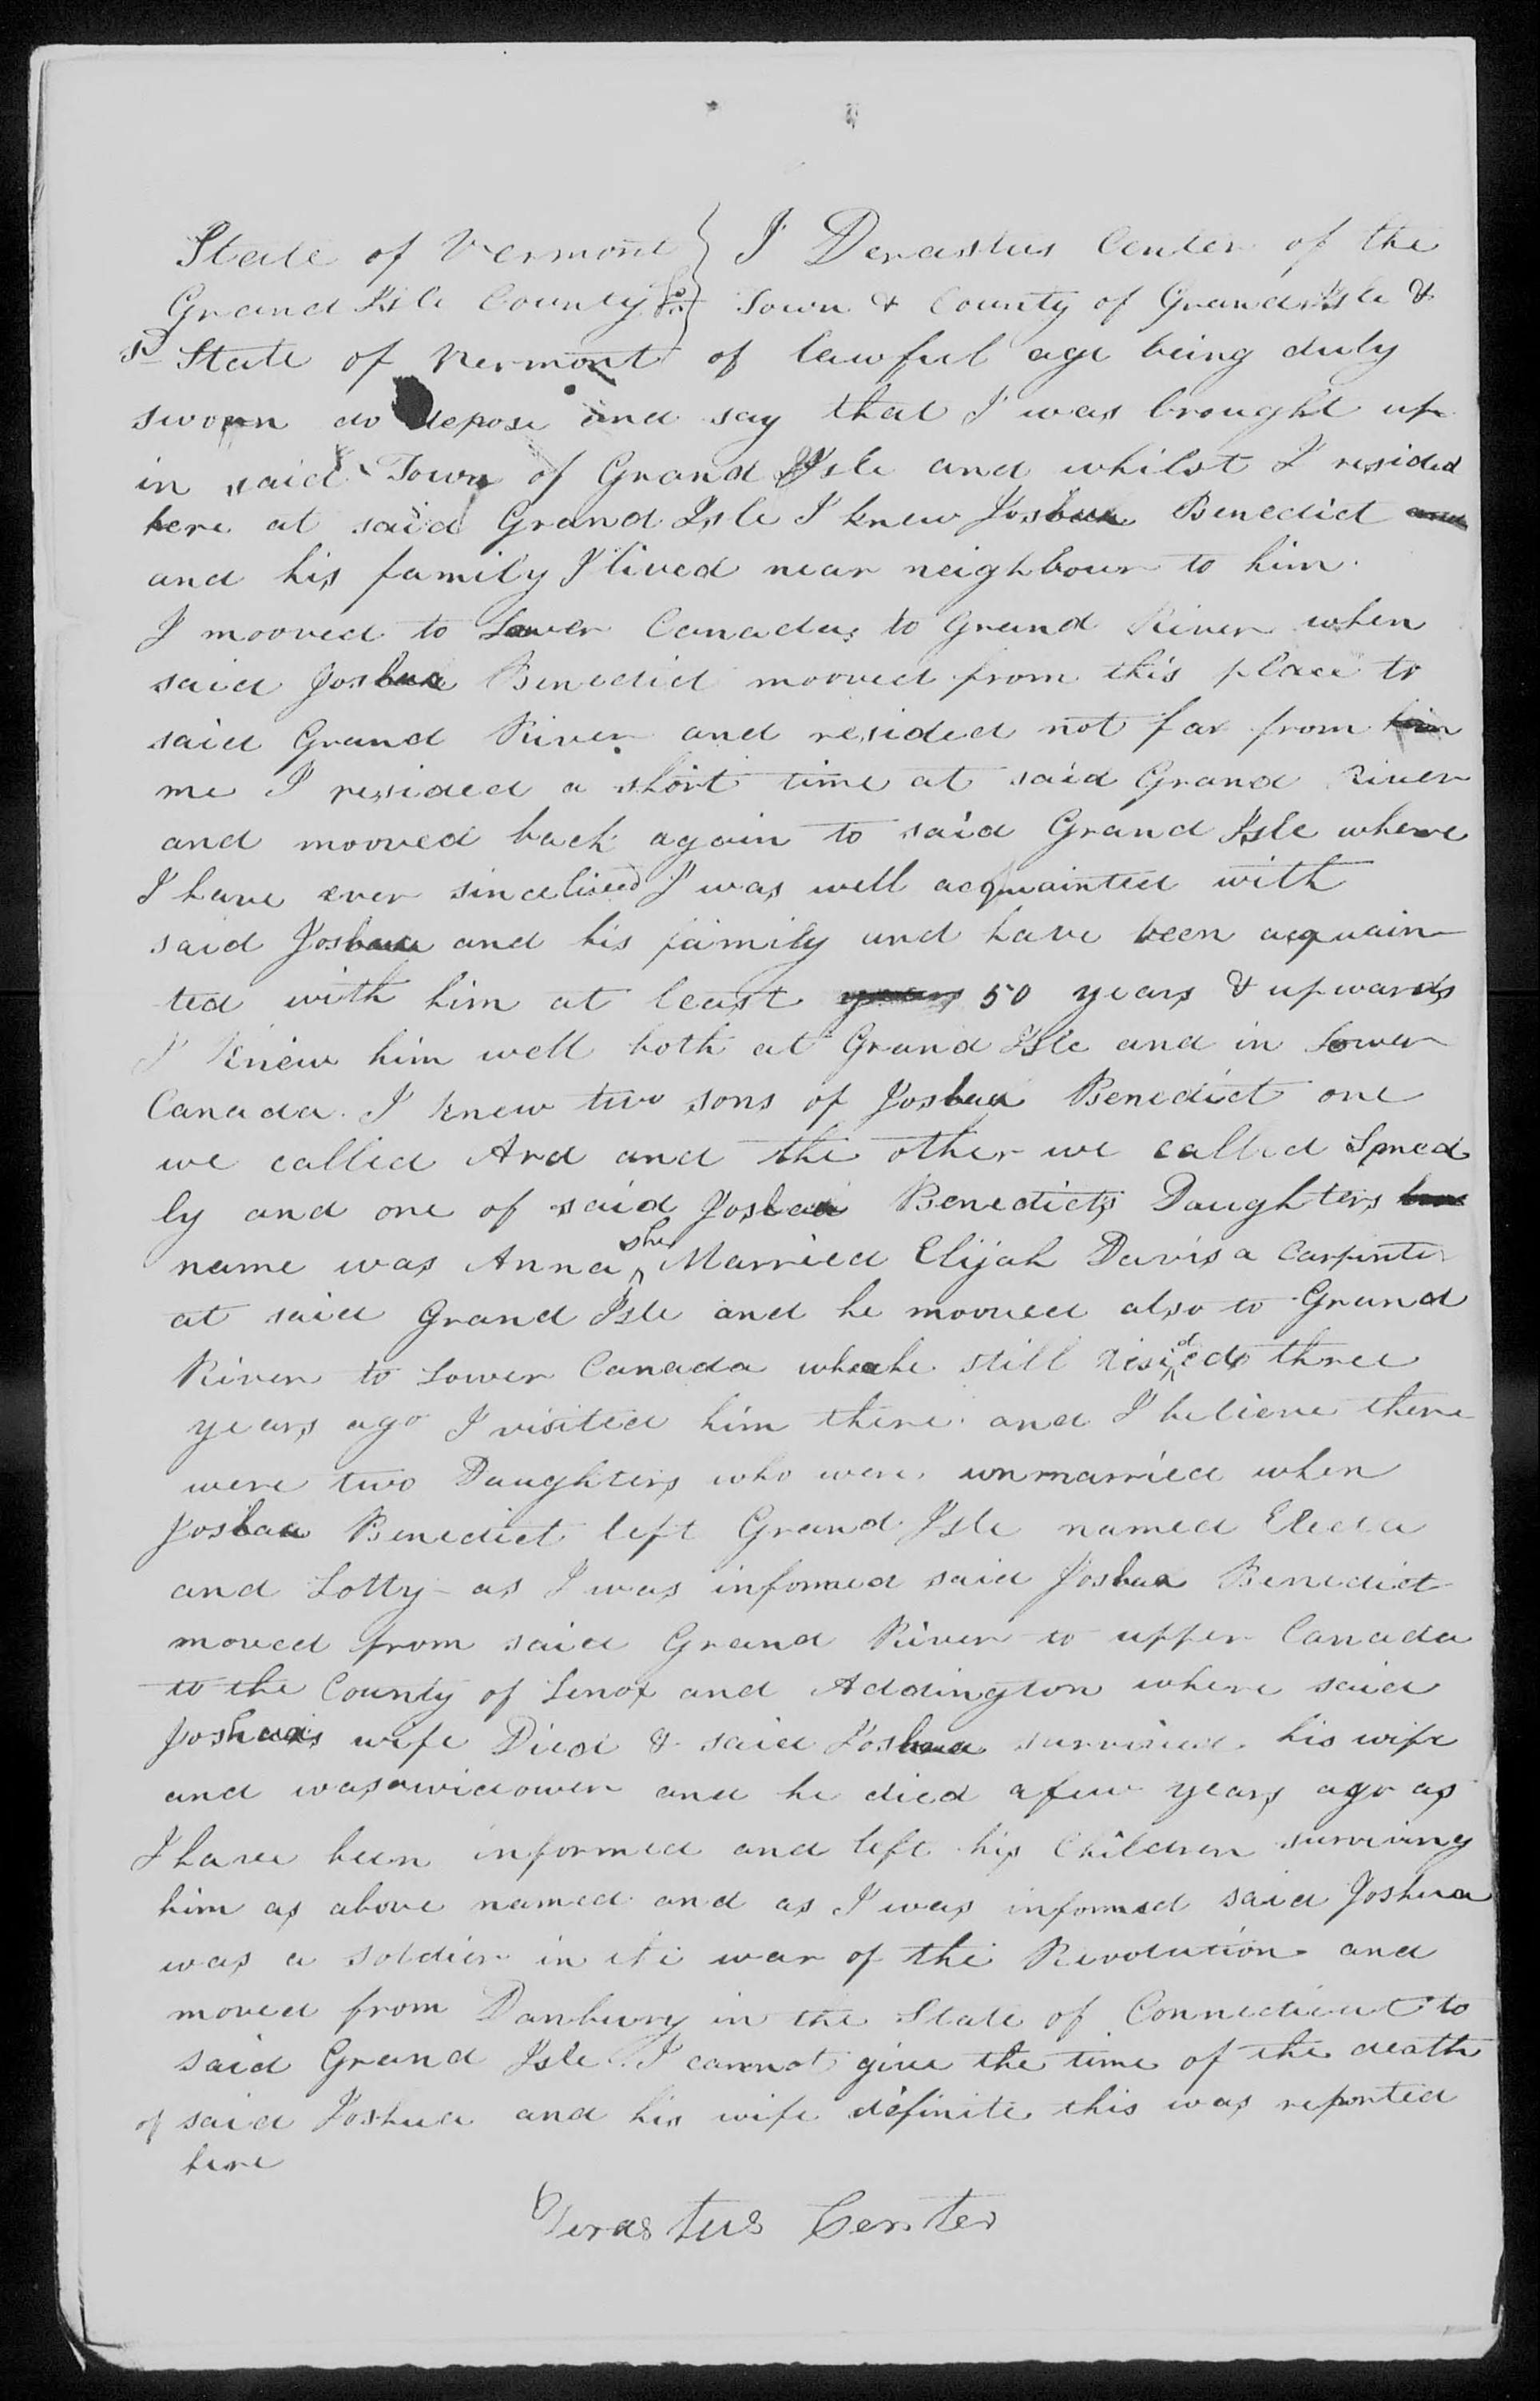State of Vermont
Grand Isle County Ss. } I Derastus Center of the Town & County of Grand Isle & sd State of Vermont of lawful age being duly sworn do depose and say that I was brought up in said Town of Grand Isle and whilst I resided here ate said Grand Isle I knew Joshua Benedict and his family I lived near neighbour to him. I moved to Lower Canada to Grand River when said Joshua Benedict moved from this place to said Grand River and resided not far from me I resided a short time at said Grand River and mooved [moved] back again to said Grand Isle where I have ever since lived I was well acquainted with said Joshua and his family and have been acquainted with him at least 50 years & upwards I knew him well both at Grand Isle and in Lower Canada. I knew two sons of Joshua Benedict one we called Ard and the other we called Smedly and one of said Joshua Benedicts Daughters name was Anna she Married Elijah Davis a Carpenter at said Grand Isle and he mooved [moved] also to Grand River to Lower Canada where he still resided three years ago. I visited him there and I believe there were two Daughters who were unmarried when Joshua Benedict left Grand Isle named Electa and Lotty, as I was informed said Joshua Benedict moved from said Grand River to upper Canada to the County of Lenox [Lennox] and Addington where said Joshua's wife Died & said Joshua survived his wife and was a widower and he died a few years ago as I have been informed and left his children surviving him as above named and as I was informed said Joshua was a soldier in the war of the Revolution, and moved from Danbury in the State of Connecticut to said Grand Isle. I cannot give the time of the death of said Joshua and his wife definite this was reported here
Derastus Center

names: Joshua Benedict, Joshua, Joshua, Elijah Davis, Joshua Benedict, Anna, Joshua, Joshua, Joshua Benedict, Joshua Benedict, Joshua Benedict, Joshua Benedict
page: 7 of 106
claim: survivor's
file: S 23,116., Joshua Benedict, Conn.